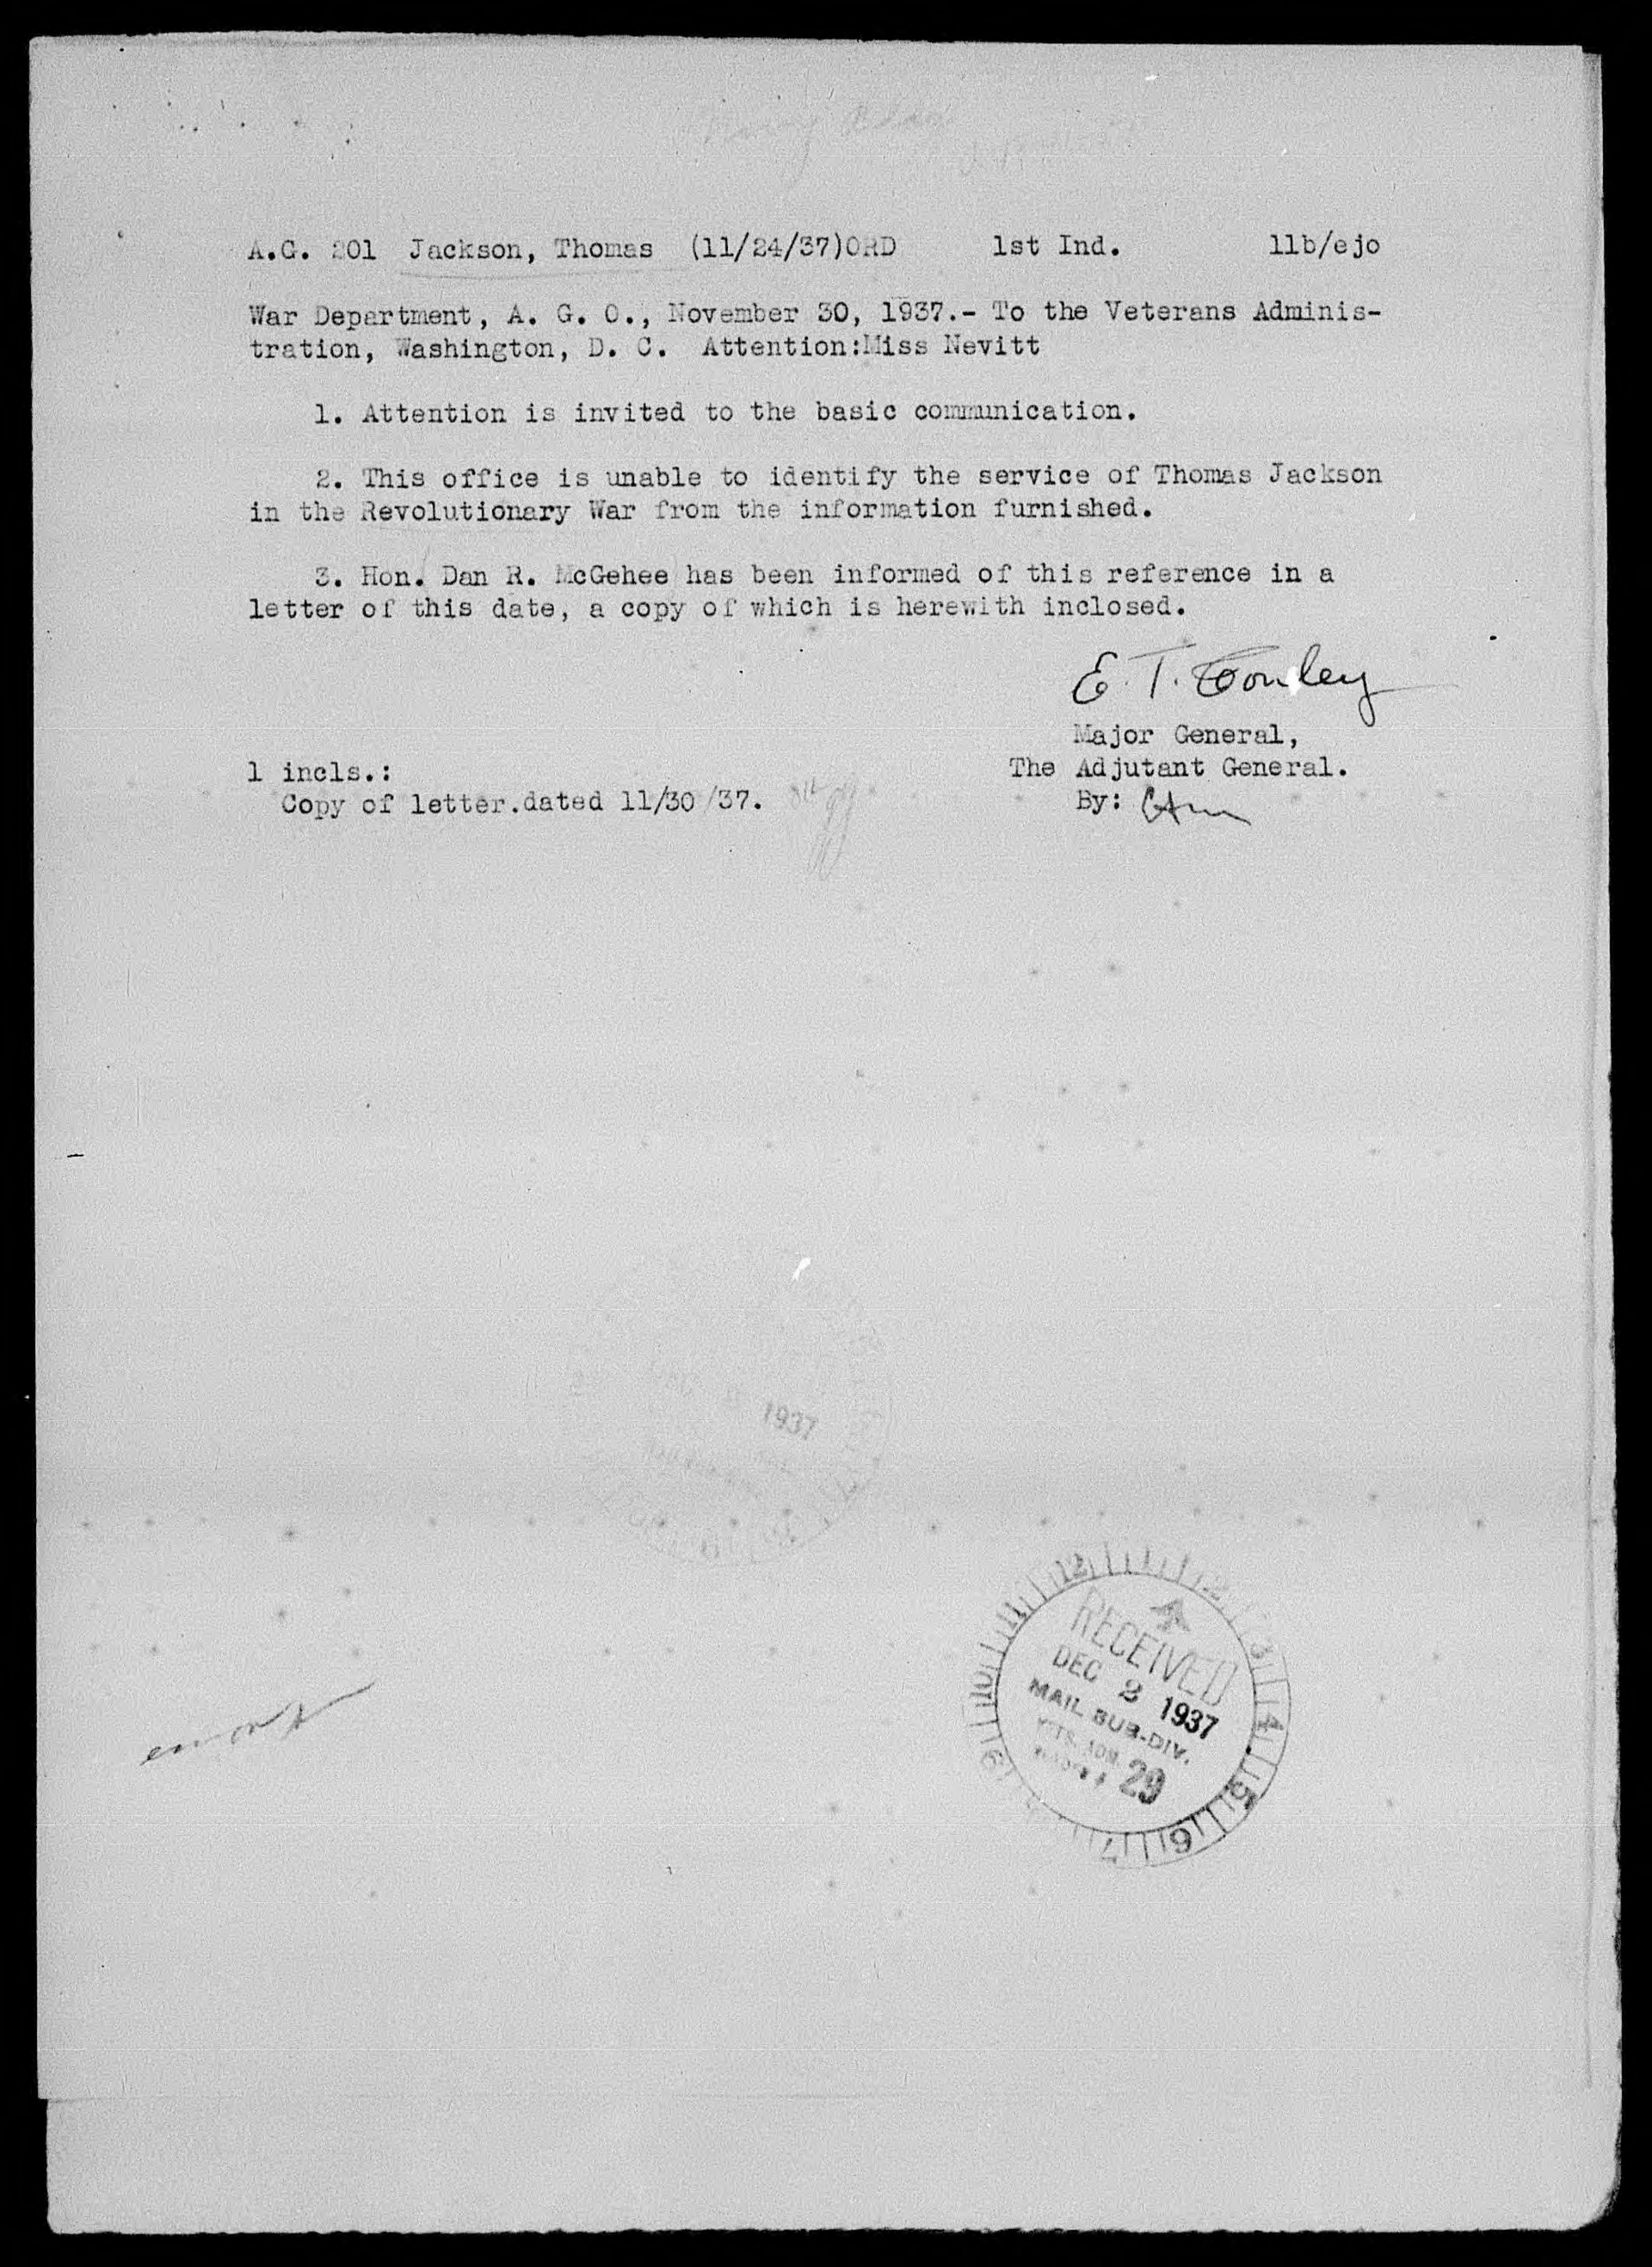A.C. 201   Jackson, Thomas (11/24/37) ORD  Ist Ind. 11b/ejo

War Department, A. G. O. November 30, 1927.- To the Veterans Administration, Washington D.C. Attention:  Miss Nevitt

1. Attention is invited to the basic communication.
2. This office is unable to identify the service of Thomas Jackson in the Revolutionary War from the information furnished.
3. Hon Dan R. McGehee has been informed of this reference in a letter of this date, a copy of which is herewith inclosed. 
E. T. Conley
Major General, The Adjutant General 
By: ??
1incls:
Copy of letter. dated 11/30/37.
Stamped:
Received Dec 2, 1937
Mail  Bub. Div.
???  29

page: 25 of 54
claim: survivor's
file: S. 31166, for Thomas Jackson, South Carolina